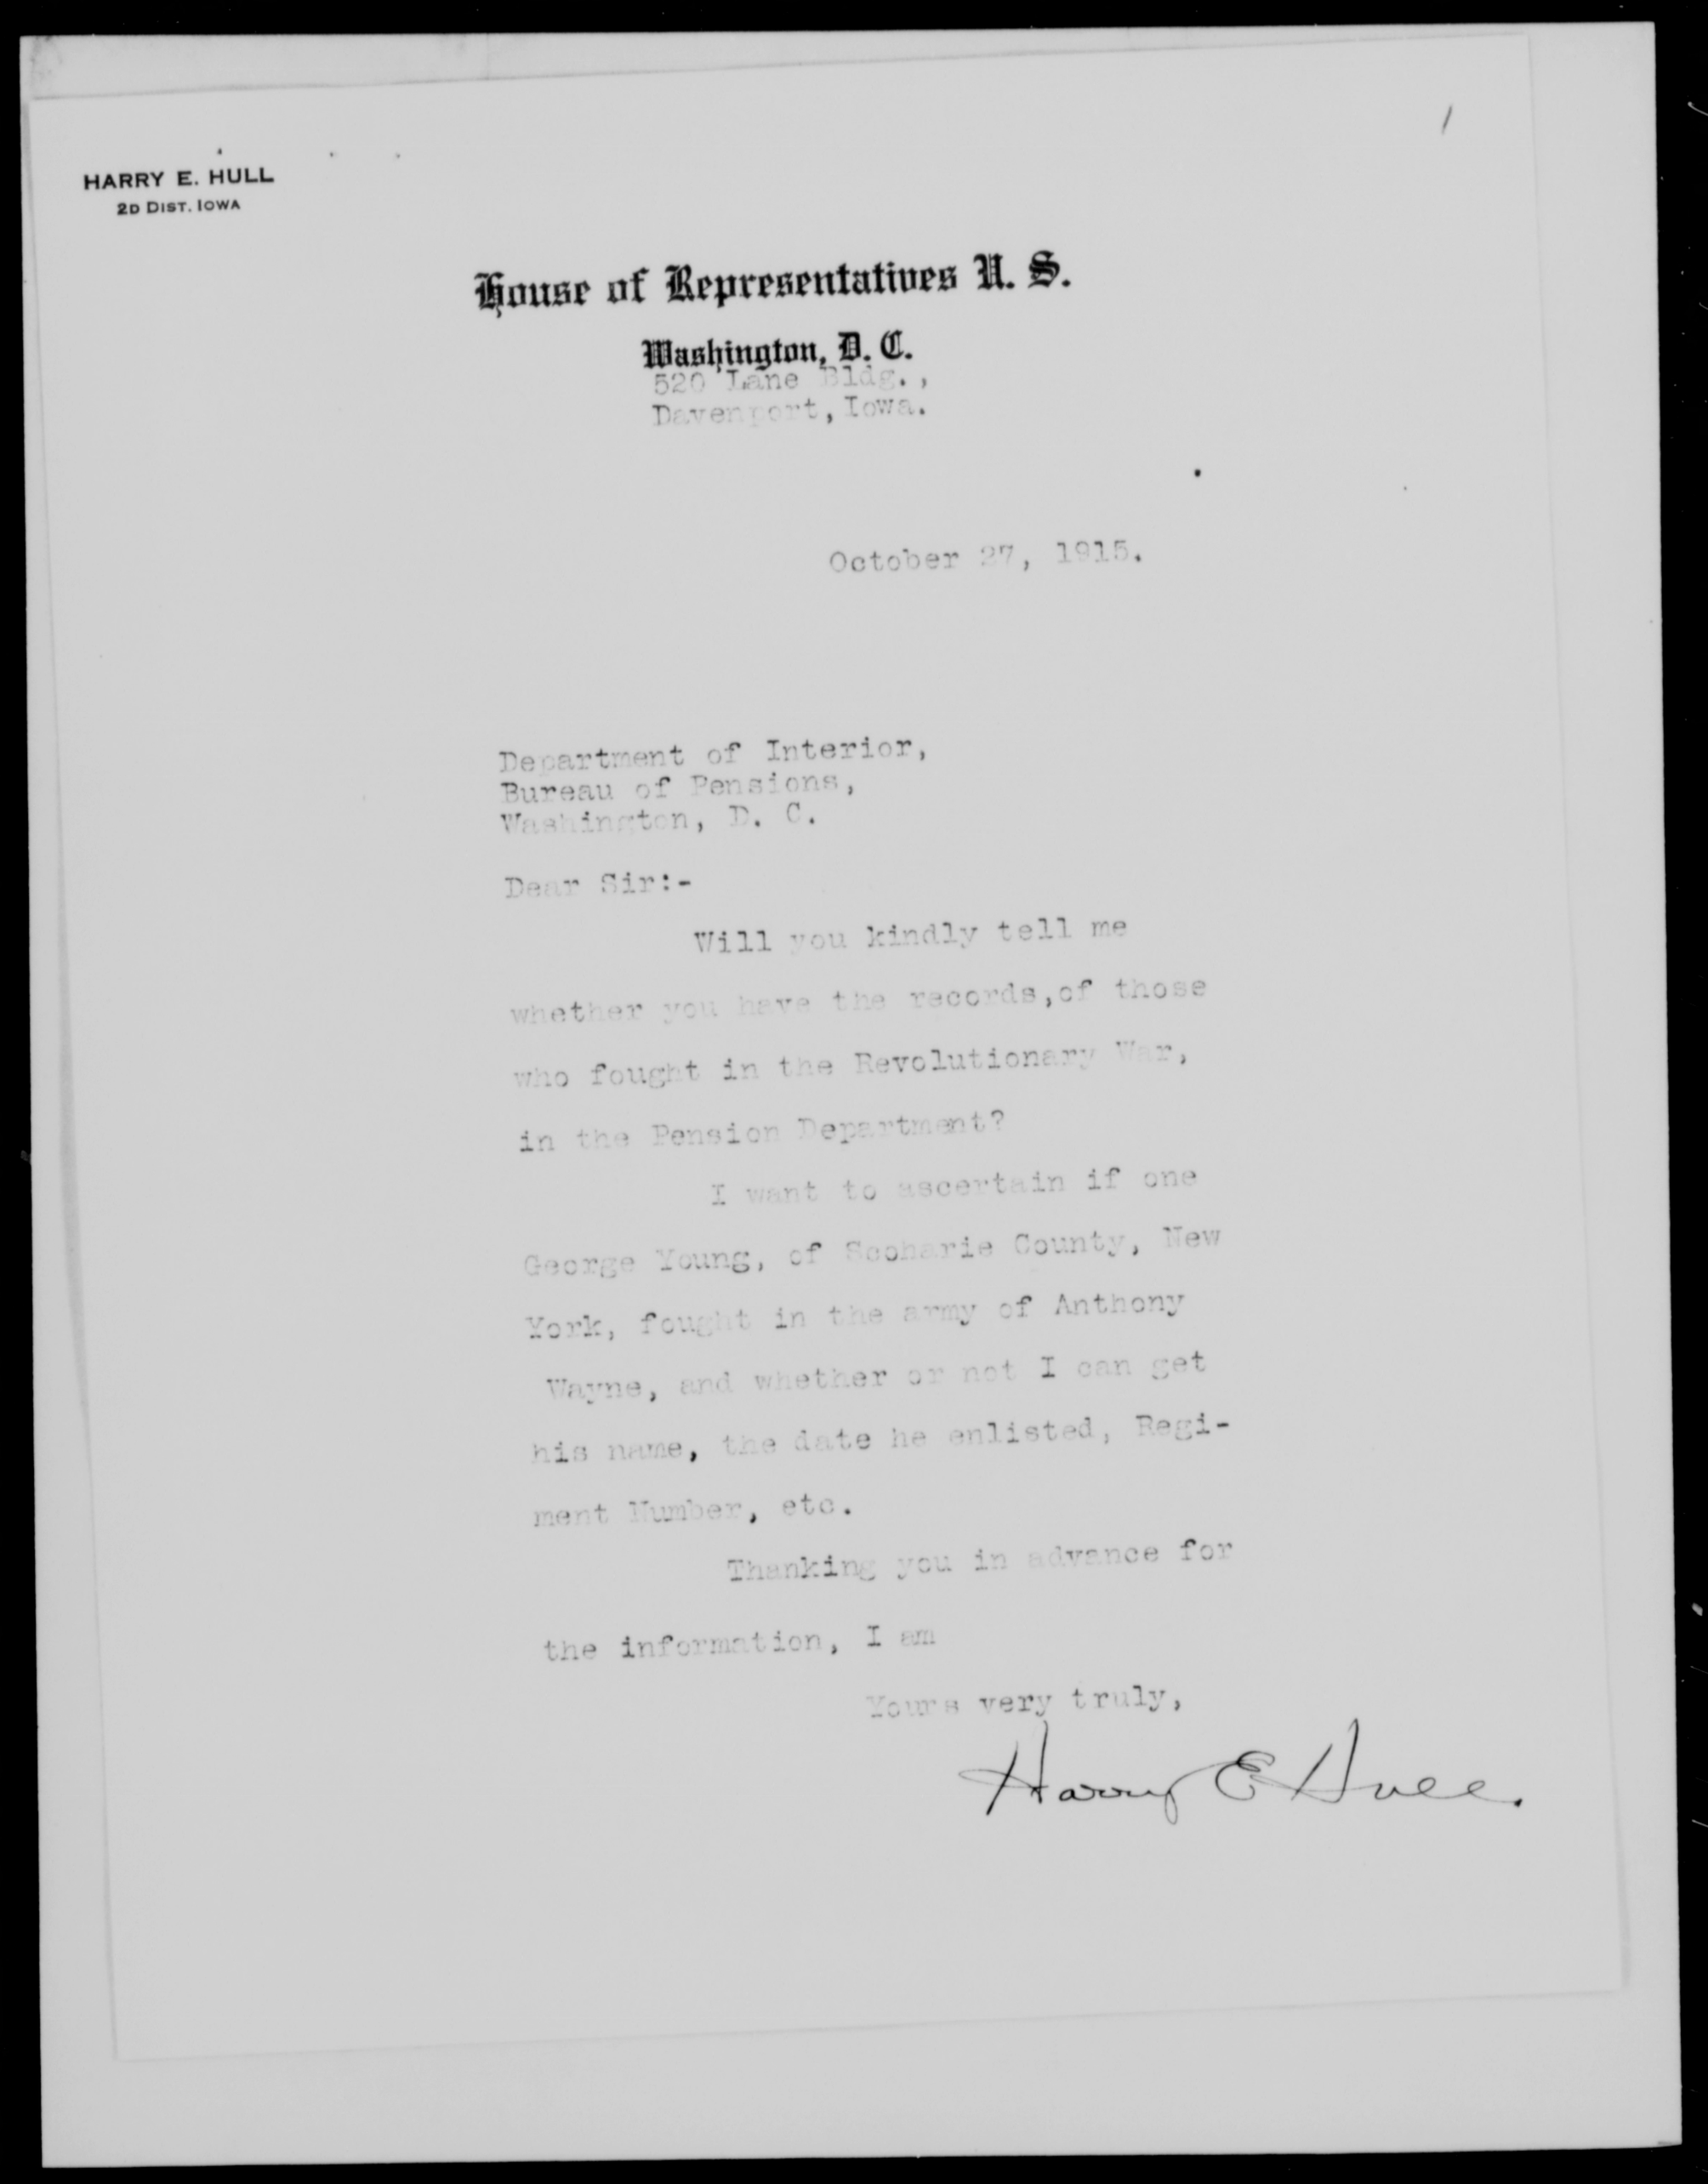HARRY E. HULL
10 DISTIOWA
NUEe of Representatives
Washington, D. C.
Jane Bldg.,
Devenport, Iowa.
October 27, 1915.
Department of Interior,
Bureau of Pensions,
Washington, D. C.
Dear Sir:-
Will you kindly tell me
whether you have the records of those
who fought in the Revolutionary
in the Pension Department?
I want to ascertain if one
George Young, of Scoharie County, New York
, fought in the army of Anthony
Warne, and whether or not I can get
his name, the date he enlisted, Regiment
Humber, etc.
Thanking you in advance for
the information, I am
Yours very truly,
Harry E Hull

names: George Young, Anthony Wayne, Harry E Hull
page: 37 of 67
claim: widow's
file: W. 7379, George Young, New Jersey